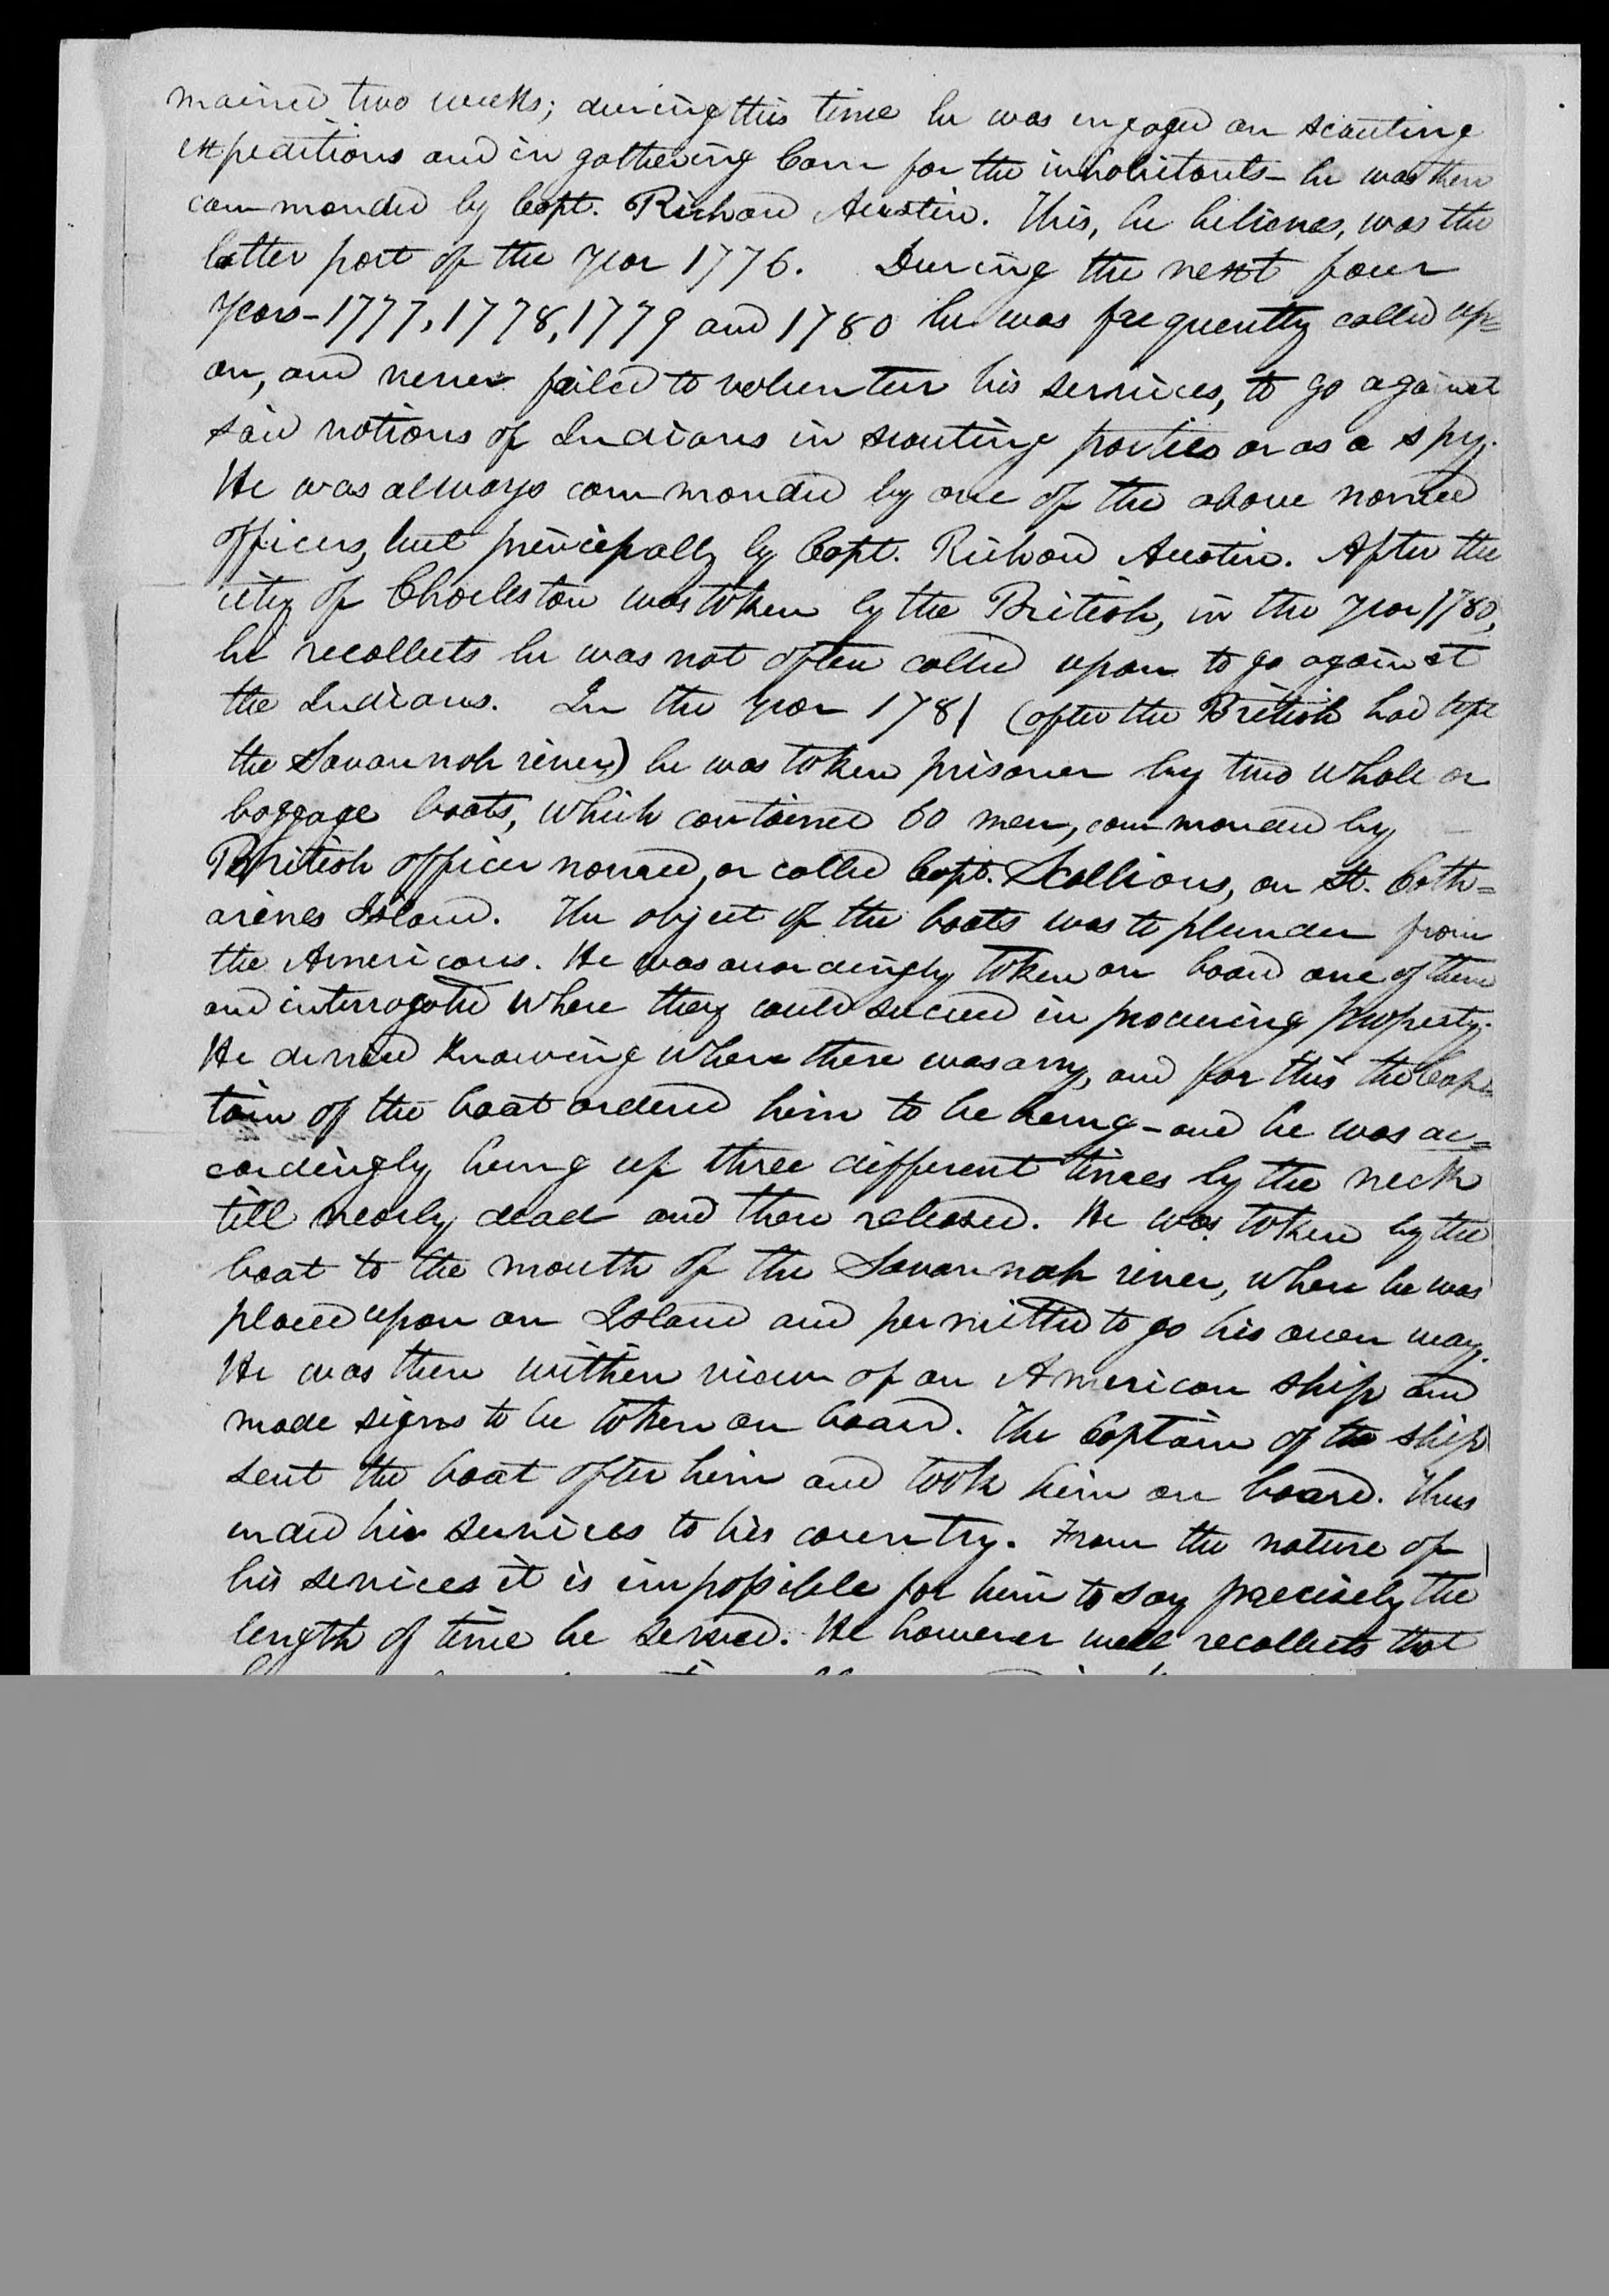-mained two weeks during this time he was engaged on scouting expeditions and in gathering corn for the inhabitants- he was their commander by Capt. Richard Austin. This, he believes, was the latter part of the year 1776. During the next four years- 1777, 1778, 1779, and 1780, he was frequently called upon, and never failed to volunteer his services, to go against said nations of Indians in scouting parties or as a spy. He was always commander by one of the above named officers, but principally by Capt. Richard Austin. After the city of Charleston was taken by the British, in the year 1780, he recollects he was not often called upon to go against the Indians. In the year 1781, (after the British had left the Savannah river), he taken prisoner by two [whale] sp or [baggage] sp boats which contained 60 men, commanded by British officer named, or called Capt. Scallions on St. Catherine's Island. The object of the boats was to plunder from the Americans. He was originally taken on board one of these boats and interrogated where they could succeed in procuring property. He denied knowing where there was any, and for this the Captain of the boat ordered him to be hung- and he was accordingly hung up three different times by the neck til nearly dead then [revived] sp. He was taken by the boat to the mouth of the Savannah river, where he was placed upon an island and permitted to go his own way. He was there within vision of an American ship he made signs to be taken on board. The Captain of the ship sent the boat after him and took him on board. Thus in aid his services to his country. From the nature of his services it is impossible for him to say precisely the length of time he served. He however well recollects that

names: Scallions, Richard Austin, Richard Austin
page: 6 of 34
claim: widow's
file: W. 8897, Evan Haines, Ga